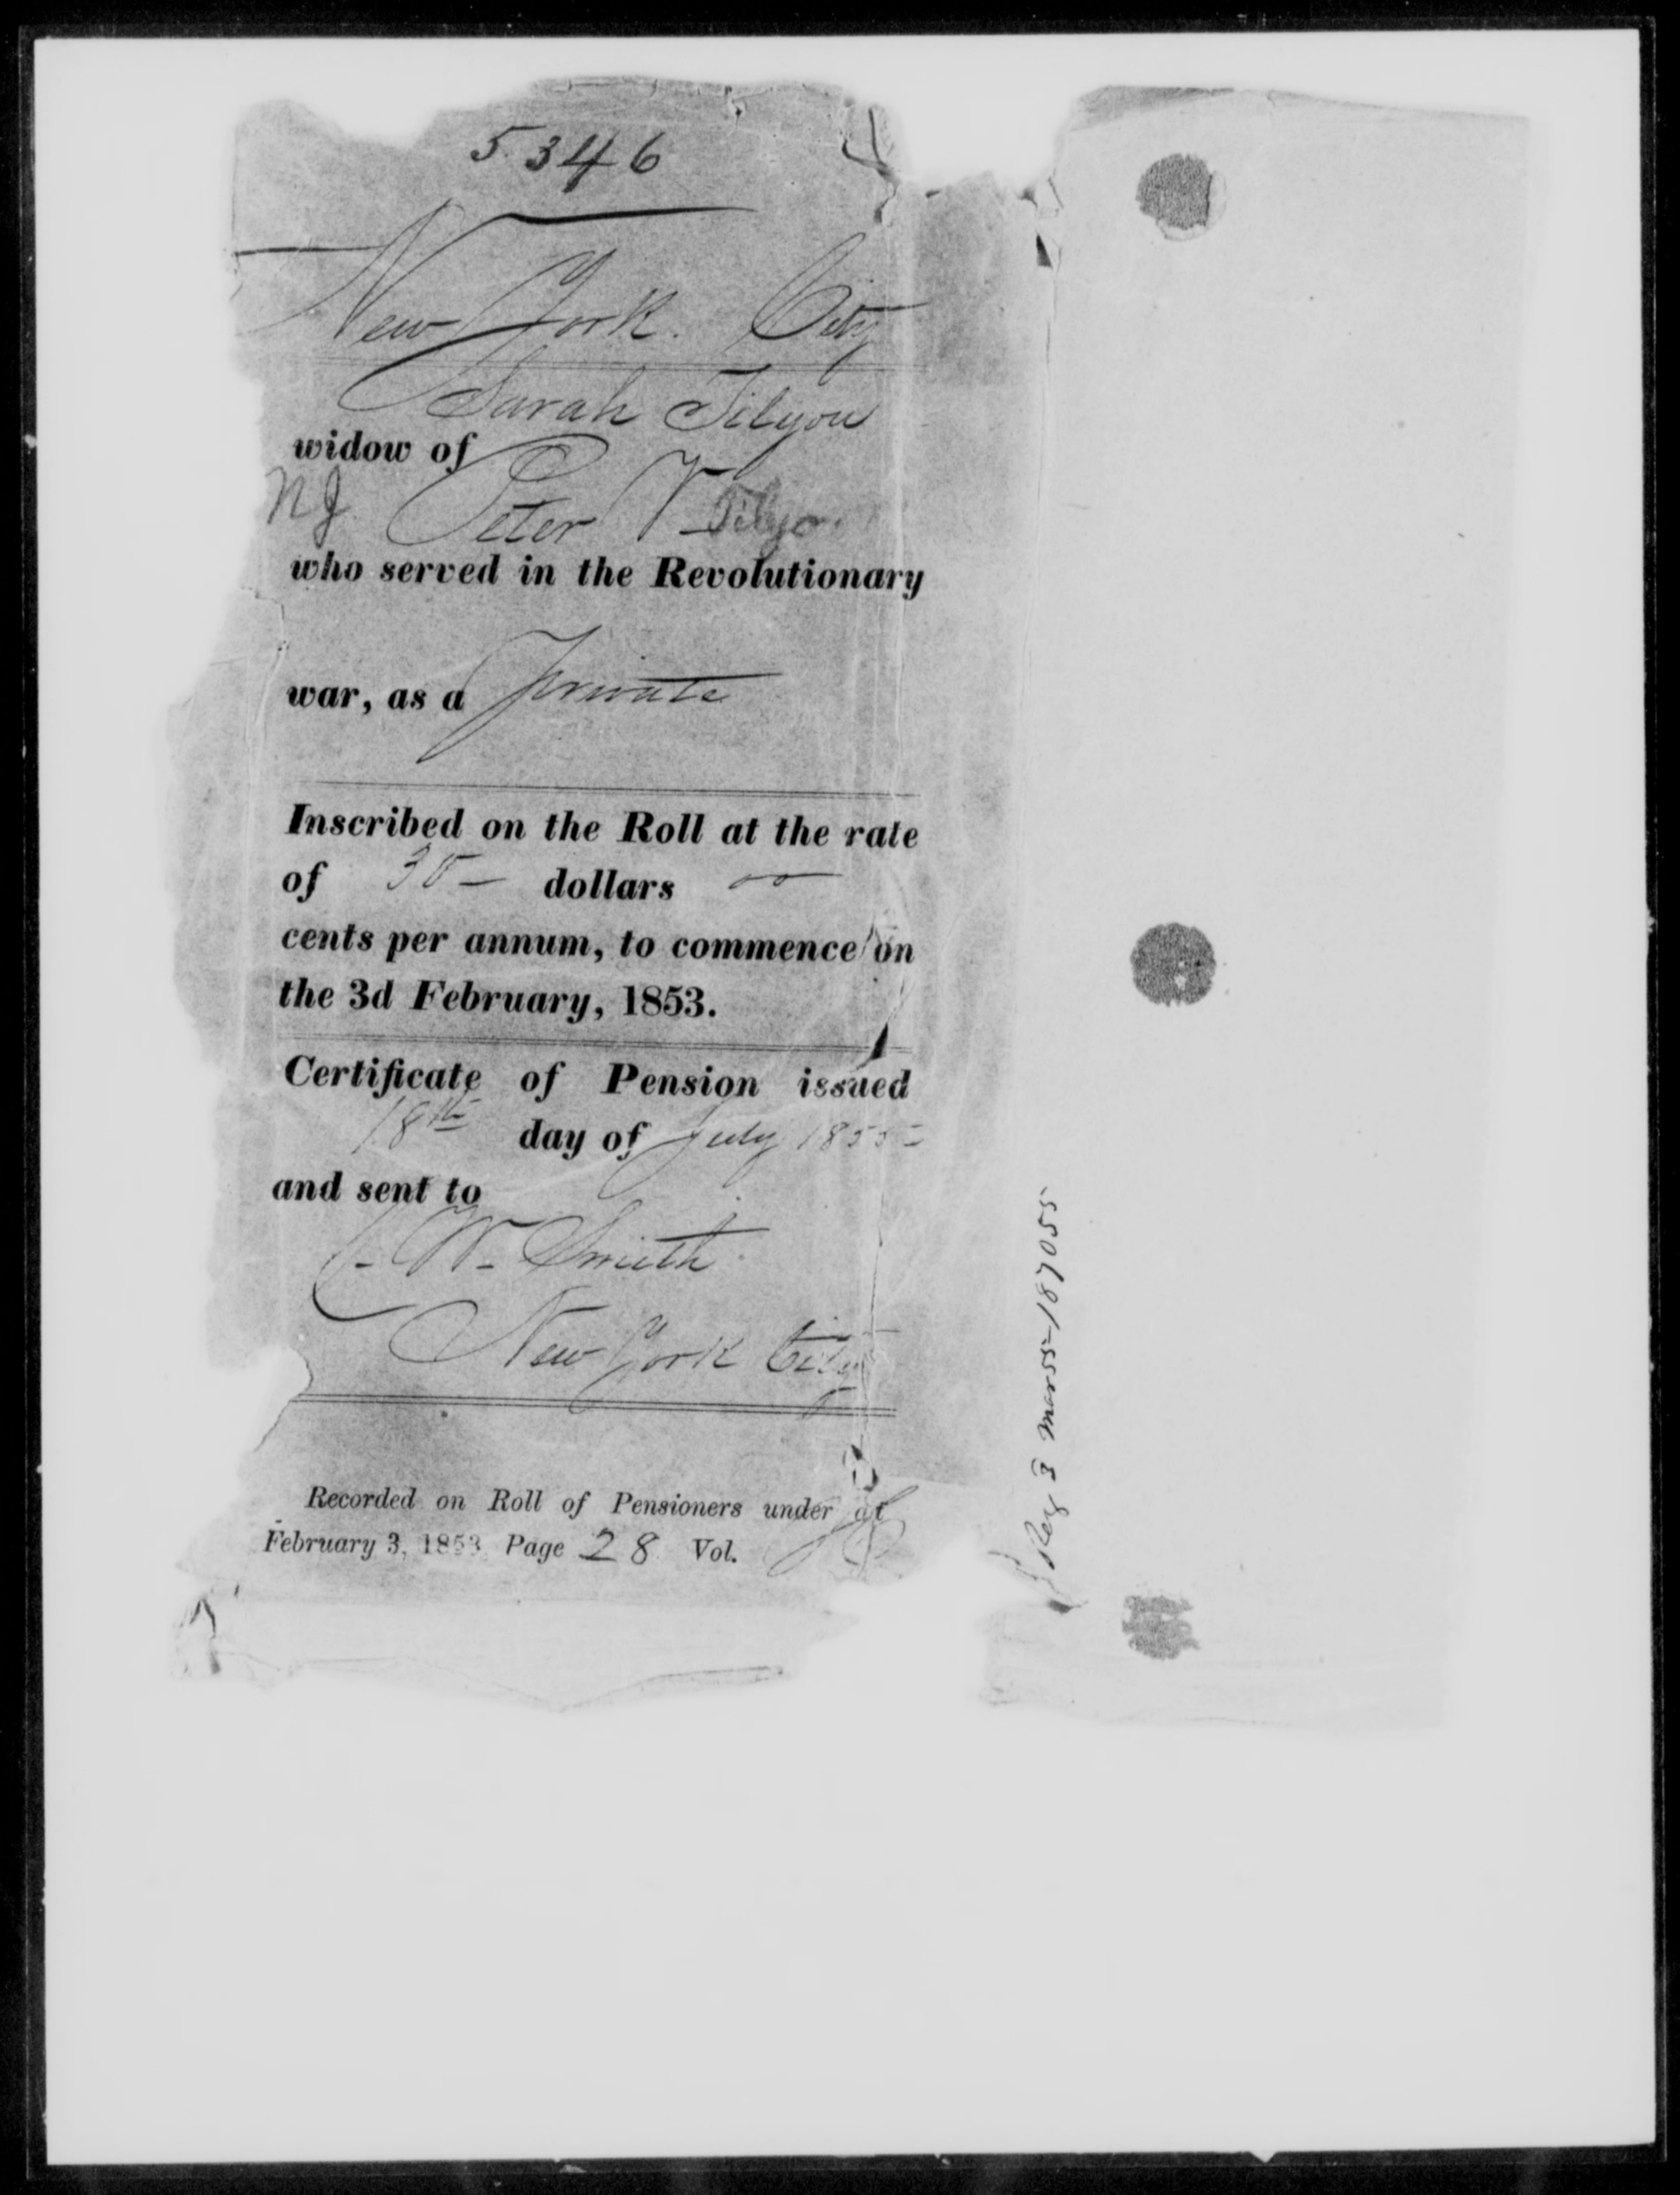5346
New York City
Sarah Tilyou widow of NJ Peter V Tilyou who served in the Revolutionary war, as a Private

Inscribed on the Roll at the rate of 30 dollars oo cents per annum, to commence on the 3d February, 1853.
Certifcate of Pension issued 18th day of July 1853 and sent to C.W. Smith
New York City

Recorded on Roll of Pensioners under February 3, 1853 Page 28 Vol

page: 3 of 101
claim: widow's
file: W. 25481, for Peter V Tilyou, New Jersey